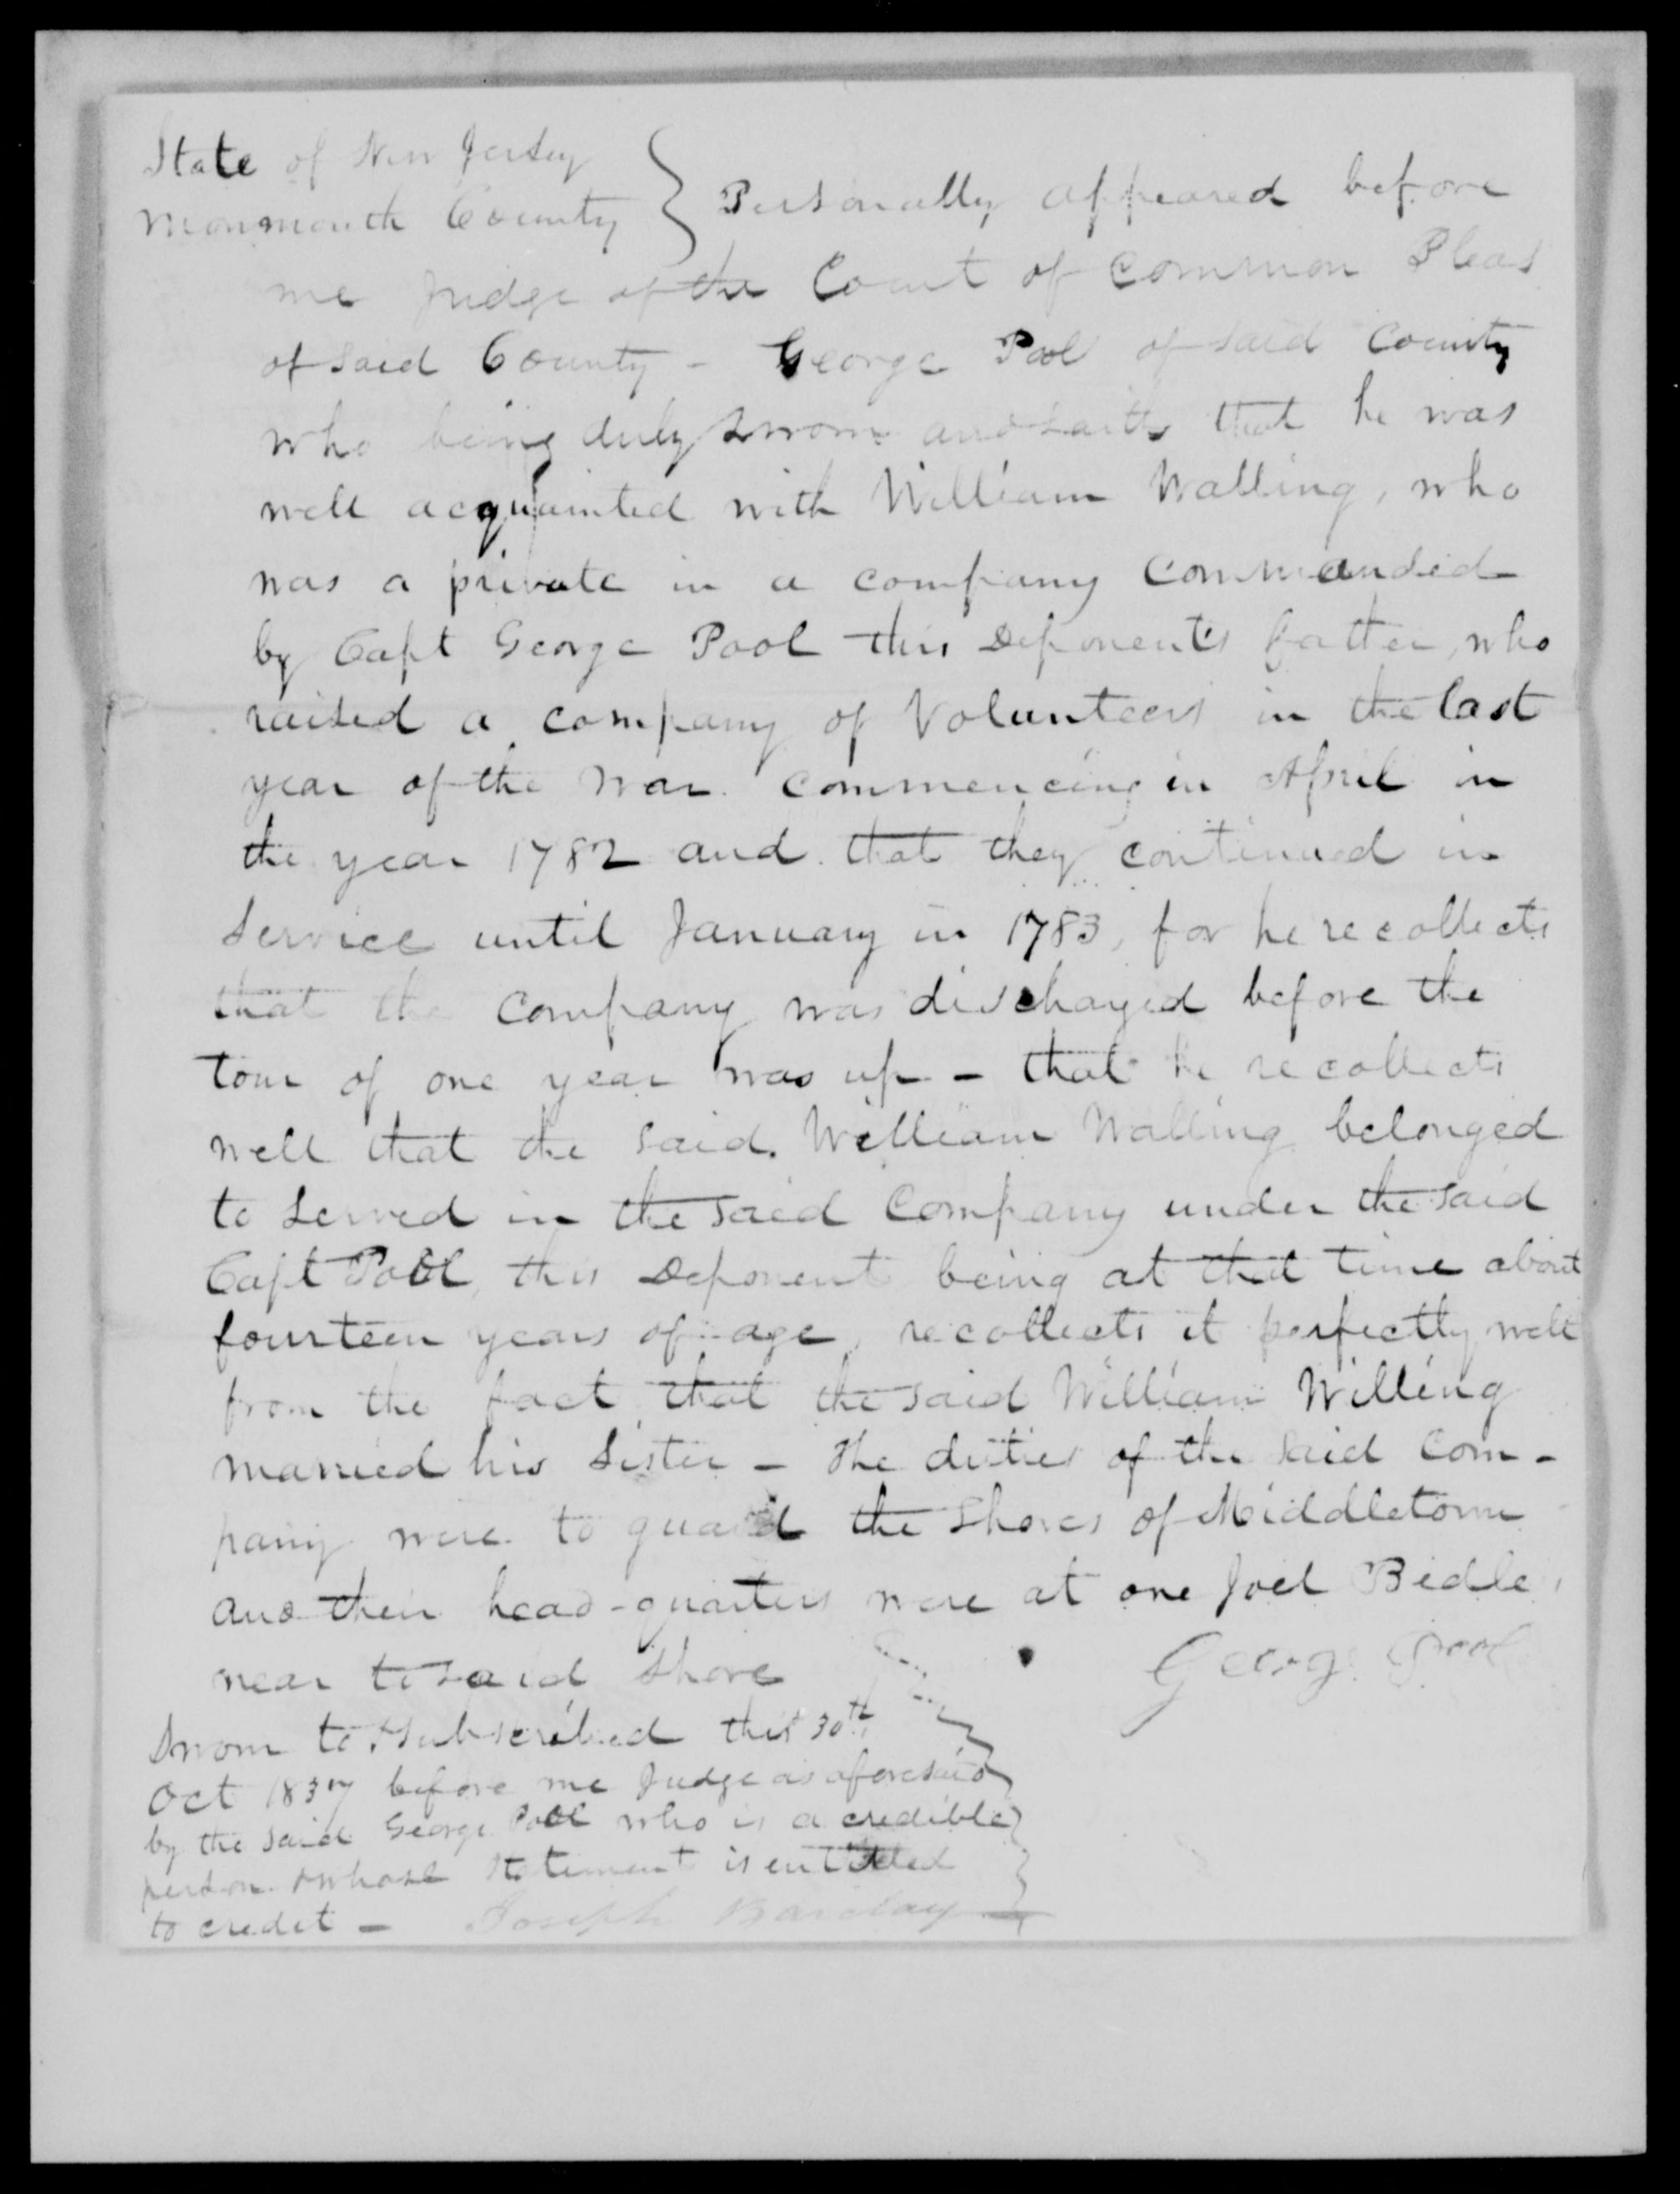State of New Jersey
Monmouth County
Personally appeared before me Judge of the Court of Common Pleas of said County - George Pool of said county who being duly sworn and saith that he was well acquainted with William Walling, who was a private in a company commanded by Capt George Pool this deponent's father who raised a company of volunteers in the last year of the war commencing in April in the year 1782 and that they continued in service until January in 1783, for he recollects well that the said William Walling belonged to served in the said company under the said Capt Pool this deponent's being at that time about fourteen years of age, recollects it perfectly well from the fact that the said William Walling married his sister. The duties of the said company were to guard the shores of Middletown and their headquarters were at one Joel Bidle near the said shore, George Pool

Sworn to & subscribed this 30th Oct 1837 before me Judge as aforesaid by the said George Pool who is a credible person & whose statement is entitled to credit, Joseph Barclay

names: William Walling, William Walling, George Pool, George Pool, George Pool, George Pool, Pool, William Walling, Joseph Barclay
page: 36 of 66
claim: widow's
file: W. 19588, William Walling, New Jersey